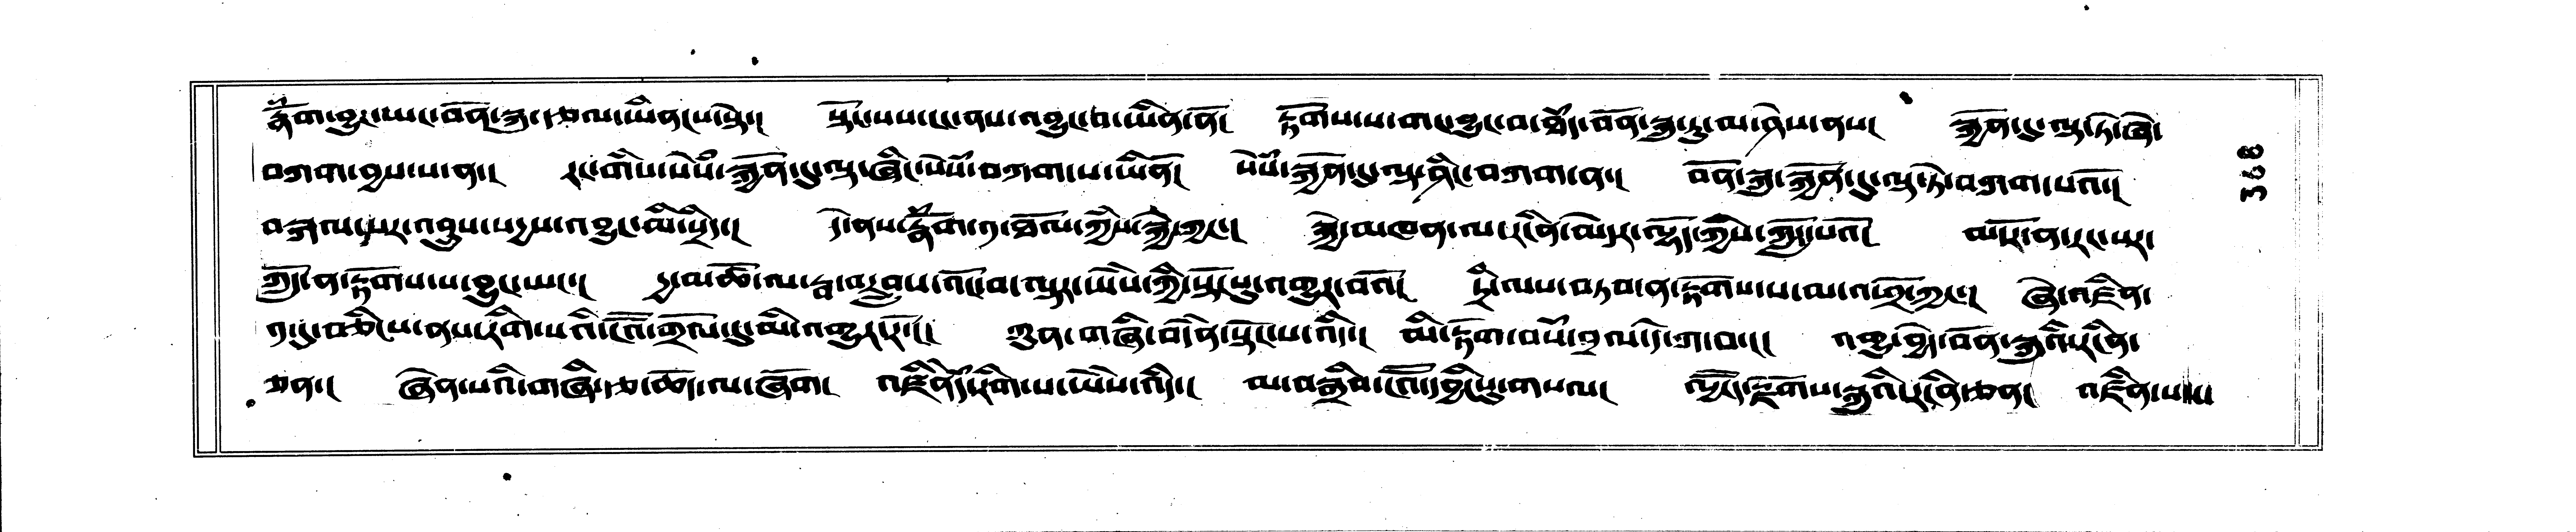རྣམ་རྟོག་འབྱུང་ཡང་བོན་སྐུའི་རྩལ་ཡིན་ཏེ། སྟོང་པའི་ངང་ནས་སྟོང་པ་བྱུང་བ་ཡིན་ནོ། རྟོག་པ་གང་བྱུང་བ་ཐམས་ཅད་བོན་སྐུ་རུ་མ་ཤེས་ན། སྐྱོན་དུ་ལྟ་སྟེ་ཞེ
་བཀག་བྱས་ནས། རང་གིས་སེམས་སྐྱོན་དུ་ལྟ་ཞིང་སེམས་བཀག་པ་ཡིན་ནོ། སེམས་སྐྱོན་དུ་བལྟས་ཅིང་བཀག་ན་བོན་སྐུ་སྐྱོན་དུ་བལྟས་ཅིང་བཀག་པ་ཡིན་ཏེ། 
བསྐལ་པར་བསྒོམ་ཀྱང་འབྲས་བུ་སངས་རྒྱས་འབྱུང་མི་བསྲིད། དེ་ན་རྣམ་རྟོག་ཅིག་ཐོལ་གྱིས་སྐྱེས་ཀྱང་། སྐྱེ་མཁན་ལ་རང་བཞིན་མེད་པར་རང་སར་ལྷོད་ཀྱིས་ཀློད་པའོ། མདོར་ན་རང་སར་
ཀློད་ན་རྟོག་པ་བྱུང་ཡང་རྒྱ་མཚོ་ལ་རྦ་རླབས་འོང་པ་ལྟར། ཡེ་ཤེས་ཀྱིས་སྡོངས་སུ་འགྲོ་བའོ། ཀྲི་ལེ་བསྡམ་ན་རྟོག་པ་མ་འཕྲོས་ཀྱང་། ཞེ་འཛིན་
གཅིག་གིས་བཅིང་ནས་རིག་པའི་ངོའོ་གྲོལ་དུ་མི་འགྱུར་རོ། ཀུན་གཞི་བདེ་ཆེན་སྟོང་པ་བདག་མེད་འདི། མི་རྟོག་བསམ་བྲལ་ཀད་དེ་བ། འགྱུར་མེད་བོན་སྐུའི་རང་བཞིན་
ཅན། ཞེན་པའི་གཞི་རྩ་ཆོད་ལ་ཞོག འཛིན་མེད་རིག་པའི་ཡེ་ཤེས་འདི། མ་བསྒྲིབ་ངོའོ་དབྱིངས་སུ་གསལ། ལོངས་སྤྱོད་རྫོགས་སྐུའི་རང་བཞིན་ཅན། འཛིན་པའི་